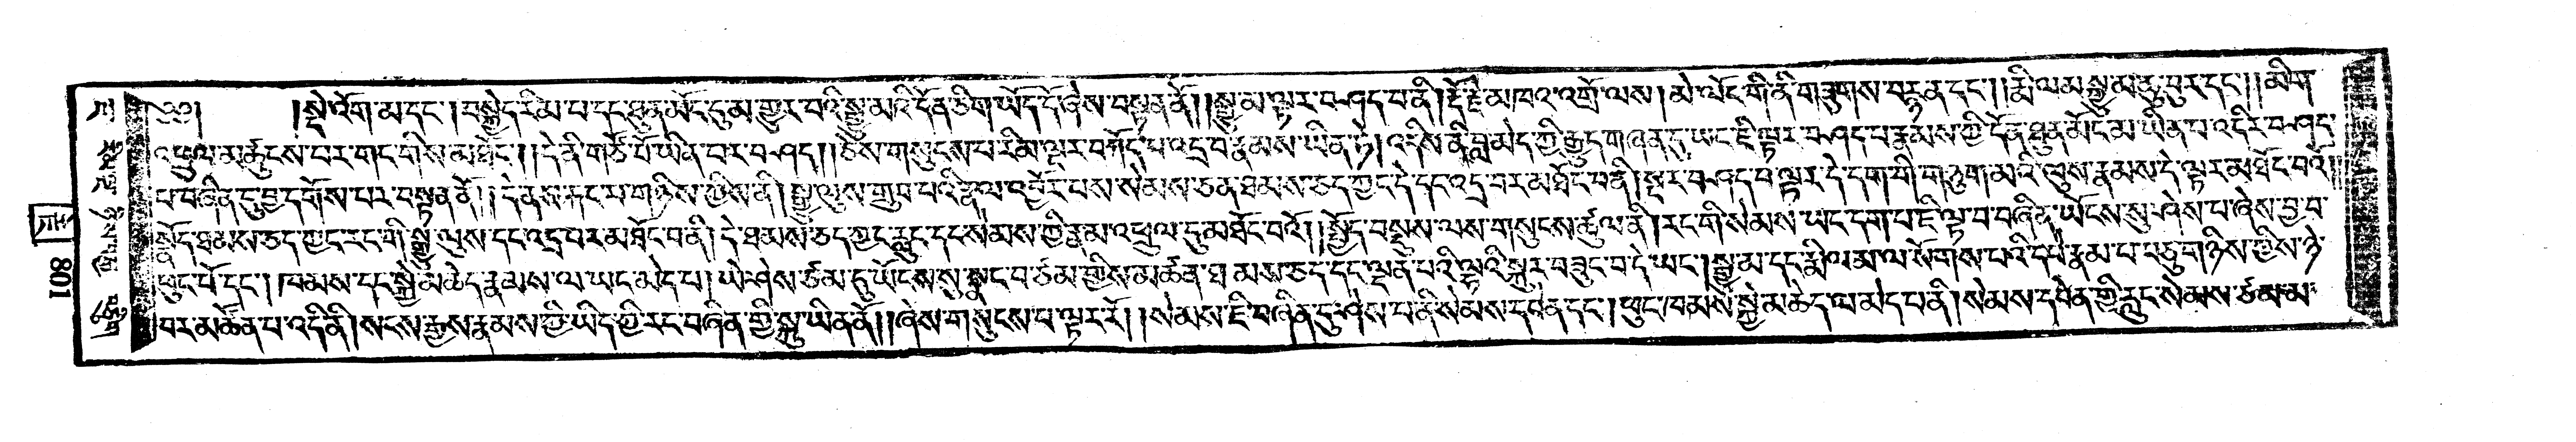༄༅། །སྡེ་འོག་མ་དང་། བསྐྱེད་རིམ་པ་དང་ཐུན་མོང་དུ་མ་གྱུར་པའི་སྒྱུ་མའི་དོན་ཅིག་ཡོད་དོ་ཞེས་བསྟན་ནོ། །སྒྱུ་མ་ལྟར་བཤད་པ་ནི། རྡོ་རྗེ་མཁའ་འགྲོ་ལས། མེ་ལོང་གི་ནི་གཟུགས་བརྙན་དང་། །རྨི་ལམ་སྒྱུ་མ་ཆུ་བུར་དང་། །མིག་
འཕྲུལ་མཚུངས་པར་གང་གིས་མཐོང་། །དེ་ནི་གཙོ་བོ་ཡིན་པར་བཤད། །ཅེས་གསུངས་པ་རིམ་ལྔར་བཀོད་པ་འདྲ་བ་རྣམས་ཡིན་ཏེ། འདིས་ནི་བླ་མེད་ཀྱི་རྒྱུད་གཞན་དུ་ཡང་ཇི་ལྟར་བཤད་པ་རྣམས་ཀྱི་དོན་ཐུན་མོང་མ་ཡིན་པ་འདིར་བཤད་
པ་བཞིན་དུ་བྱ་དགོས་པར་བསྟན་ནོ། །དེ་ནས་རྐང་པ་གཉིས་ཀྱིས་ནི། སྒྱུ་ལུས་གྲུབ་པའི་རྣལ་འབྱོར་པས་སེམས་ཅན་ཐམས་ཅད་ཀྱང་དེ་དང་འདྲ་བར་མཐོང་བ་ནི། སྔར་བཤད་པ་ལྟར་དེ་དག་གི་གཉུག་མའི་ལུས་རྣམས་དེ་ལྟར་མཐོང་བའོ། །
སྣོད་ཐམས་ཅད་ཀྱང་རང་གི་སྒྱུ་ལུས་དང་འདྲ་བར་མཐོང་བ་ནི། དེ་ཐམས་ཅད་ཀྱང་རླུང་དང་སེམས་ཀྱི་རྣམ་འཕྲུལ་དུ་མཐོང་བའོ། །སྤྱོད་བསྡུས་ལས་གསུངས་ཚུལ་ནི། རང་གི་སེམས་ཡང་དག་པ་ཇི་ལྟ་བ་བཞིན་ཡོངས་སུ་ཤེས་པ་ཞེས་བྱ་བ་
ཕུང་པོ་དང་། ཁམས་དང་སྐྱེ་མཆེད་རྣམས་ལ་ཡང་མེད་པ། ཡེ་ཤེས་ཙམ་དུ་ཡོངས་སུ་སྣང་བ་ཙམ་གྱིས་མཚན་ཐམས་ཅད་དང་ལྡན་པའི་ལྷའི་སྐུར་བཟུང་བ་དེ་ཡང་། སྒྱུ་མ་དང་རྨི་ལམ་ལ་སོགས་པའི་དཔེ་རྣམ་པ་བཅུ་གཉིས་ཀྱིས་ཉེ་
བར་མཚོན་པ་འདི་ནི། སངས་རྒྱས་རྣམས་ཀྱི་ཡིད་ཀྱི་རང་བཞིན་གྱི་སྐུ་ཡིན་ནོ། །ཞེས་གསུངས་པ་ལྟར་རོ། །སེམས་ཇི་བཞིན་དུ་ཤེས་པ་ནི་སེམས་དབེན་དང་། ཕུང་ཁམས་སྐྱེ་མཆེད་ལ་མེད་པ་ནི། སེམས་དབེན་གྱི་རླུང་སེམས་ཙམ་མ་